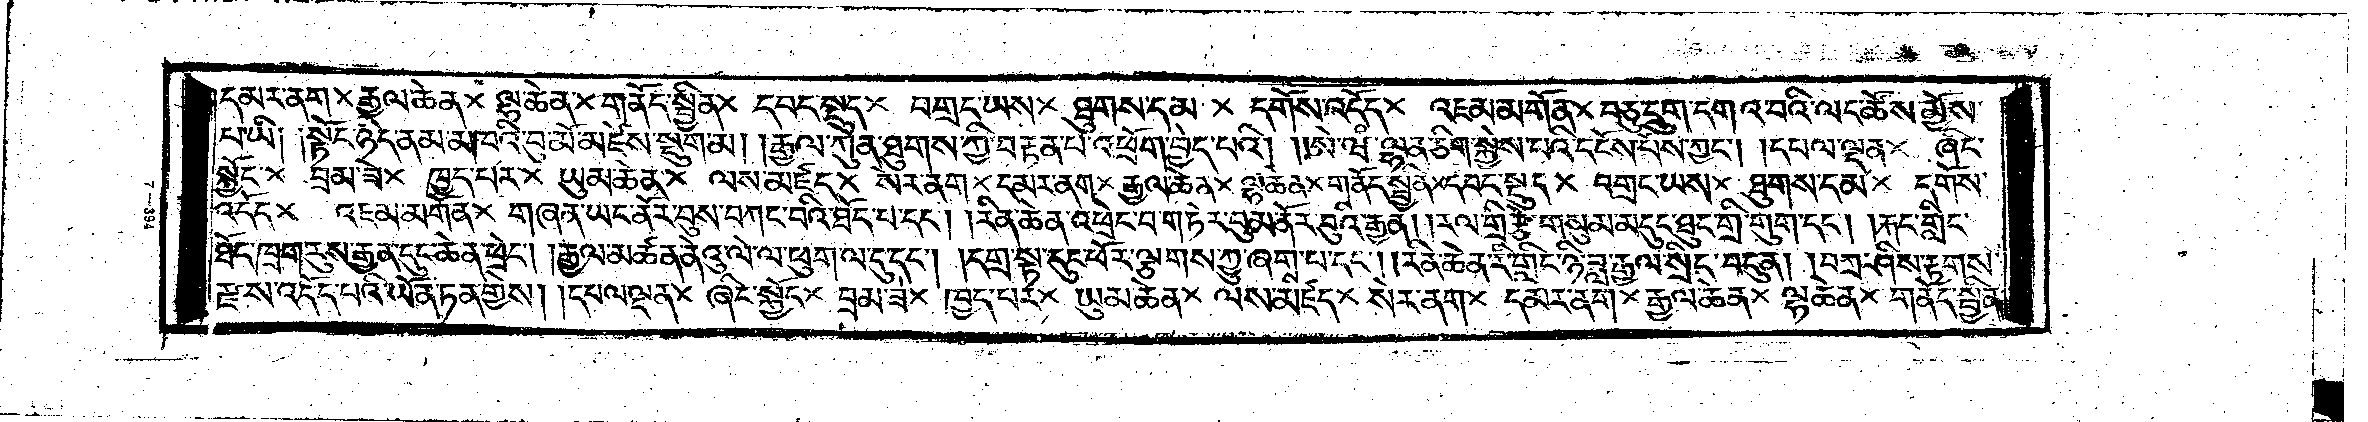དམར་ནག་྾་རྒྱལ་ཆེན་྾་ལྷ་ཆེན་྾་གནོད་སྦྱིན་྾་དབང་སྡུད་྾་བགྲང་ཡས་྾་ཐུགས་དམ་྾་དགོས་འདོད་྾་འཇམ་མགོན་྾་བཅུ་དྲུག་དགའ་བའི་ལང་ཚོས་མྱོས་
པ་ཡི༑ ༑སྟོང་ཉིད་ནམ་མཁའི་བུ་མོ་མཛེས་སྡུག་མ། །རྒྱལ་ཀུན་ཐུགས་ཀྱི་བརྟན་པ་འཕྲོག་བྱེད་པའི། །ཨེ་ཝཾ་ལྷན་ཅིག་སྐྱེས་པའི་དངོས་པོས་ཀྱང་། །དཔལ་ལྡན་྾་ཞིང་
སྐྱོང་྾་བྲམ་ཟེ་྾་ཁྱད་པར་྾་ཡུམ་ཆེན་྾་ལས་མཛད་྾་སེར་ནག་྾་དམར་ནག་྾་རྒྱལ་ཆེན་྾་ལྷ་ཆེན་྾་གནོད་སྦྱིན་྾་དབང་སྡུད་྾་བགྲང་ཡས་྾་ཐུགས་དམ་྾་དགོས་
འདོད་྾་འཇམ་མགོན་྾་གཞན་ཡང་ནོར་བུས་བཀང་བའི་ཐོད་པ་དང་། །རིན་ཆེན་འཕྲེང་བ་གཏེར་བུམ་ནོར་བུའི་རྒྱན། །རལ་གྲི་རྩེ་གསུམ་མདུང་ཐུང་གྲི་གུག་དང་། །རྐང་གླིང་
ཐོད་ཁྲག་རུས་རྒྱན་དྲུང་ཆེན་ཕྲེང་། །རྒྱལ་མཚན་ནེའུ་ལེ་ལ་ཕུག་ལ་དུ་དད། །དགྲ་སྟ་དུང་ཕོར་ལྕགས་ཀྱུ་ཞགས་པ་དང་། །རིན་ཆེན་རི་གླིང་ཉི་ཟླ་རྒྱལ་སྲིད་བདུན། །བཀྲ་ཤིས་རྟགས་
རྫས་འདོད་པའི་ཡོན་ཏན་གྱིས། །དཔལ་ལྡན་྾་ཞིང་སྐྱོང་྾་བྲམ་ཟེ་྾་ཁྱད་པར་྾་ཡུམ་ཆེན་྾་ལས་མཛད་྾་སེར་ནག་྾་དམར་ནག་྾་རྒྱལ་ཆེན་྾་ལྷ་ཆེན་྾་གནོད་སྦྱིན་